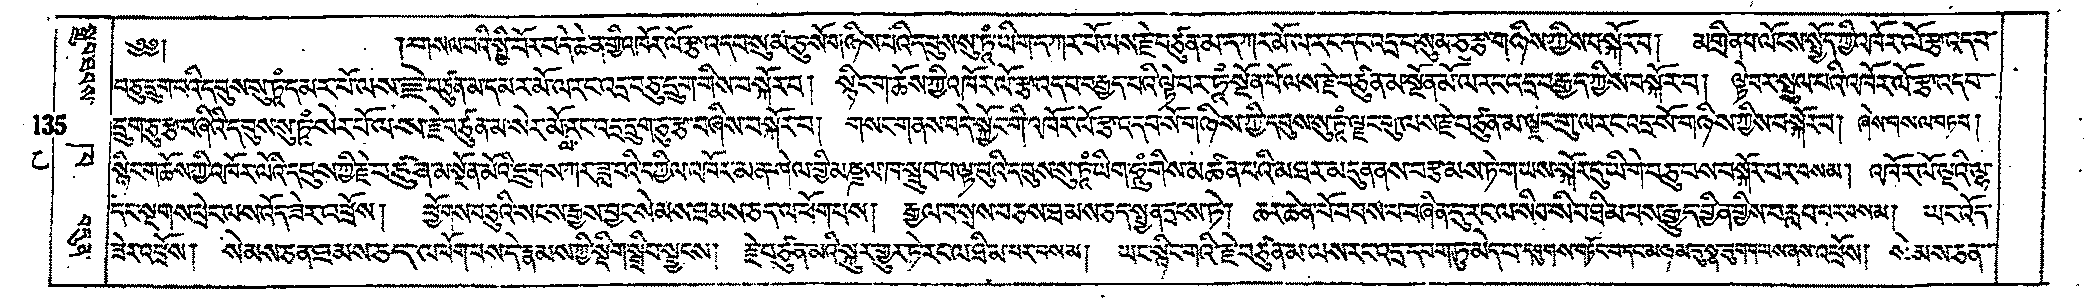༄༅། །གསལ་བའི་སྤྱི་བོར་བདེ་ཆེན་གྱི་འཁོར་ལོ་རྩ་འདབ་སུམ་ཅུ་སོ་གཉིས་པའི་དབུས་སུ་ཏཱཾ་ཡིག་དཀར་པོ་ལས་རྗེ་བཙུན་མ་དཀར་མོ་ལ་རང་དང་འདྲ་བ་སུམ་ཅུ་རྩ་གཉིས་ཀྱིས་བསྐོར་བ། མགྲིན་པ་ལོངས་སྤྱོད་ཀྱི་འཁོར་ལོ་རྩ་འདབ་་་
བཅུ་དྲུག་པའི་དབུས་སུ་ཏཱཾ་དམར་པོ་ལས་རྗེ་བཙུན་མ་དམར་མོ་ལ་རང་འདྲ་བཅུ་དྲུག་གིས་བསྐོར་བ། སྙིང་ག་ཆོས་ཀྱི་འཁོར་ལོ་རྩ་འདབ་བརྒྱད་པའི་ལྟེ་བར་ཏཱཾ་སྔོན་པོ་ལས་རྗེ་བཙུན་མ་སྔོན་མོ་ལ་རང་འདྲ་བརྒྱད་ཀྱིས་བསྐོར་བ། ལྟེ་བར་སྤྲུལ་པའི་འཁོར་ལོ་རྩ་འདབ་་་
དྲུག་ཅུ་རྩ་བཞིའི་དབུས་སུ་ཏཱཾ་སེར་པོ་ལས་རྗེ་བཙུན་མ་སེར་མོ་ལ་རང་འདྲ་དྲུག་ཅུ་རྩ་བཞིས་བསྐོར་བ། གསང་གནས་བདེ་སྐྱོང་གི་འཁོར་ལོ་རྩ་འདབ་སོ་གཉིས་ཀྱི་དབུས་སུ་ཏཱཾ་ལྗང་གུ་ལས་རྗེ་བཙུན་མ་ལྗང་གུ་ལ་རང་འདྲ་སོ་གཉིས་ཀྱིས་བསྐོར་བ། ཞེས་གསལ་བཏབ།
སྙིང་ག་ཆོས་ཀྱི་འཁོར་ལོའི་དབུས་ཀྱི་རྗེ་བཙུན་མ་སྔོན་མོའི་ཐུགས་ཀར་ཟླ་བའི་དཀྱིལ་འཁོར་མན་ཤེལ་གྱི་མཎྜལ་ཁ་སྦུབ་པ་ལྟ་བུའི་དབུས་སུ་ཏཱཾ་ཡིག་ཧཱུཾ་གིས་མཚན་པའི་མཐར་མདུན་ནས་བརྩམས་ཏེ་གཡས་སྐོར་དུ་ཡི་གེ་བཅུ་པས་བསྐོར་བར་བསམ། འཁོར་ལོ་ལྔའི་ལྷ་
དང་སྔགས་ཕྲེང་ལས་འོད་ཟེར་འཕྲོས། ཕྱོགས་བཅུའི་སངས་རྒྱས་བྱང་སེམས་ཐམས་ཅད་ལ་ཕོག་པས། རྒྱལ་བ་སྲས་བཅས་ཐམས་ཅད་སྤྱན་དྲངས་ཏེ། ཆར་ཆེན་པོ་བབས་པ་བཞིན་དུ་རང་ལ་སིབ་སིབ་ཐིམ་པས་རྒྱུད་བྱིན་གྱིས་བརླབ་པར་བསམ། ཡང་འོད་
ཟེར་འཕྲོས། སེམས་ཅན་ཐམས་ཅད་ལ་ཕོག་པས་དེ་རྣམས་ཀྱི་སྡིག་སྒྲིབ་སྦྱངས། རྗེ་བཙུན་མའི་སྐུར་གྱུར་ཏེ་རང་ལ་ཐིམ་པར་བསམ། ཡང་སྙིང་གའི་རྗེ་བཙུན་མ་ལས་རང་འདྲ་དཔག་ཏུ་མེད་པ་དབུགས་གཏོང་བ་དང་མཉམ་དུ་སྣ་བུག་གཡས་ནས་འཕྲོས། སེམས་ཅན་་་